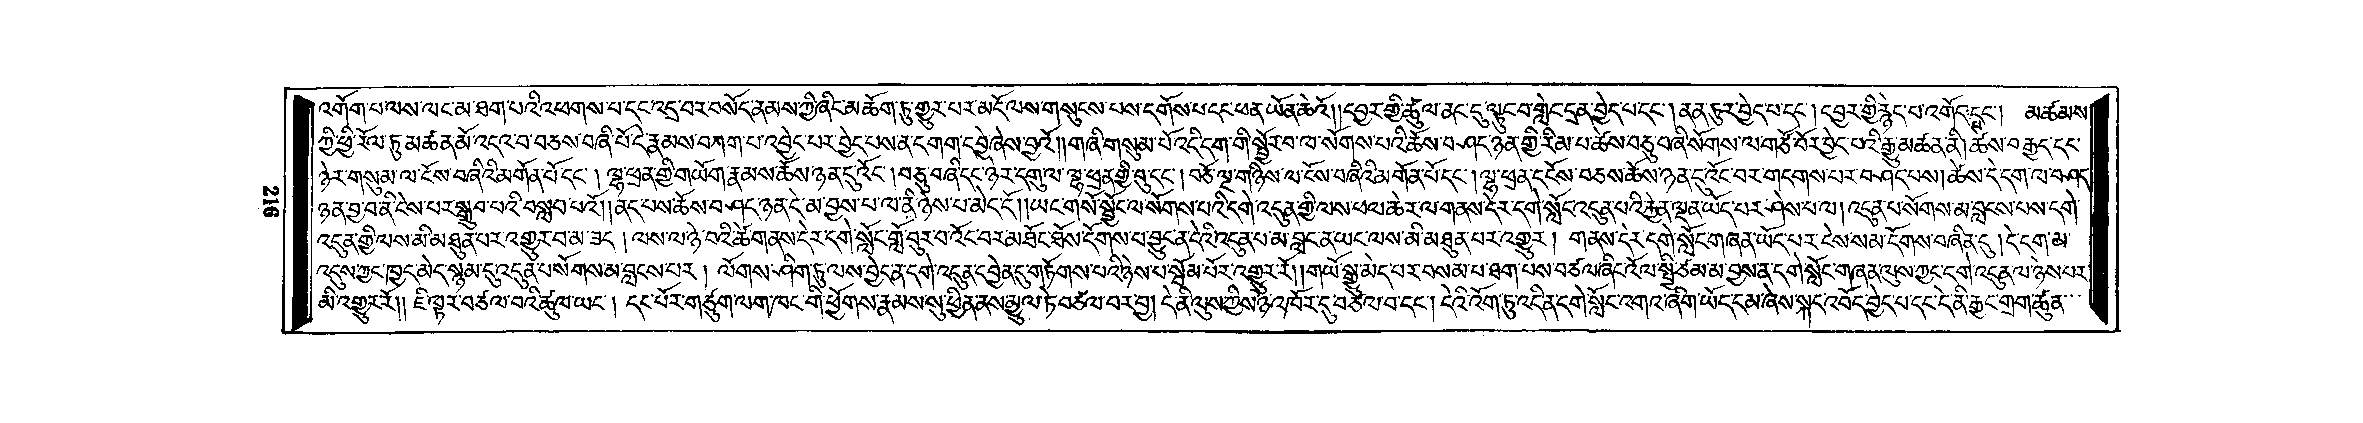འགོག་པ་ལས་ལང་མ་ཐག་པའི་འཕགས་པ་དང་འདྲ་བར་བསོད་ནམས་ཀྱི་ཞིང་མཆོག་ཏུ་གྱུར་པར་མདོ་ལས་གསུངས་པས་དགོས་པ་དང་ཕན་ཡོན་ཆེའོ། །དབྱར་གྱི་ཚུལ་ནང་དུ་ལྟུང་བ་གླེང་དྲན་བྱེད་པ་དང་། ནན་ཏུར་བྱེད་པ་དང་། དབྱར་གྱི་རྙེད་པ་འགོད་པ་དང་། མཚམས་
ཀྱི་ཕྱི་རོལ་ཏུ་མཚན་མོ་འདའ་བ་བཅས་བཞི་པོ་དེ་རྣམས་བཀག་པ་འབྱེད་པར་བྱེད་པས་ན་དགག་དབྱེ་ཞེས་བྱའོ། །གཞི་གསུམ་པོ་འདི་དག་གི་སྦྱོར་བ་ལ་སོགས་པའི་ཆོས་བཤད་ཉན་གྱི་རིམ་པ་ཚེས་བཅུ་བཞི་སོགས་ལ་གཙོ་བོར་བྱེད་པའི་རྒྱུ་མཚན་ནི། ཚེས་བརྒྱད་དང་
ཉེར་གསུམ་ལ་ངོས་བཞིའི་མགོན་པོ་དང་། ལྷ་ཕྲན་གྱི་གཡོག་རྣམས་ཆོས་ཉན་དུ་འོང་། བཅུ་བཞི་དང་ཉེར་དགུ་ལ་ལྷ་ཕྲན་གྱི་བུ་དང་། བཅོ་ལྔ་གཉིས་ལ་ངོས་བཞིའི་མགོན་པོ་དང་། ལྷ་ཕྲན་དངོས་བཅས་ཆོས་ཉན་དུ་འོང་བར་གདགས་པར་བཤད་པས། ཚེས་དེ་དག་ལ་བཤད་
ཉན་བྱ་བ་ནི་ངེས་པར་སྒྲུབ་པའི་བསླབ་པའོ། །ནད་པས་ཆོས་བཤད་ཉན་དེ་མ་བྱས་པ་ལ་ནི་ཉེས་པ་མེད་དོ། །ཡང་གསོ་སྦྱོང་ལ་སོགས་པའི་དགེ་འདུན་གྱི་ལས་ཕལ་ཆེར་ལ་གནས་དེར་དགེ་སློང་འདུན་པའི་རྐྱེན་ལྡན་ཡོད་པར་ཤེས་པ་ལ། འདུན་པ་སོགས་མ་བླངས་པས་དགེ་
འདུན་གྱི་ལས་མི་མཐུན་པར་འགྱུར་བ་མ་ཟད། ལས་ལ་ཉེ་བའི་ཚེ་གནས་དེར་དགེ་སློང་གློ་བུར་བ་འོང་བར་མཐོང་ཐོས་དགོས་པ་བྱུང་ན་དེའི་འདུན་པ་མ་བླང་ན་ཡང་ལས་མི་མཐུན་པར་འགྱུར། གནས་དེར་དགེ་སློང་གཞན་ཡོད་པར་ངེས་སམ་དོགས་བཞིན་དུ། དེ་དག་མ་
འདུས་ཀྱང་ཁྱད་མེད་སྙམ་དུ་འདུན་པ་སོགས་མ་བླངས་པར། ལོགས་ཤིག་ཏུ་ལས་བྱེད་ན་དགེ་འདུན་དབྱེ་ན་དུ་གཏོགས་པའི་ཉེས་པ་སྦོམ་པོར་འགྱུར་རོ། །གཡོ་སྒྱུ་མེད་པར་བསམ་པ་ཐག་པས་བཙལ་ཞིང་འོལ་སྤྱི་ཙམ་མ་བྱས་ན་དགེ་སློང་གཞན་ལུས་ཀྱང་དགེ་འདུན་ལ་ཉེས་པར་
མི་འགྱུར་རོ། །ཇི་ལྟར་བཙལ་བའི་ཚུལ་ཡང་། དང་པོར་གཙུག་ལག་ཁང་གི་ཕྱོགས་རྣམས་སུ་ཕྱིན་ནས་མྱུལ་ཏེ་བཙལ་བར་བྱ། དེ་ནི་ལུས་ཀྱིས་ཉེ་འཁོར་དུ་བཙལ་བ་དང་། དེའི་འོག་ཏུ་འདི་ན་དགེ་སློང་འགའ་ཞིག་ཡོད་དམ་ཞེས་སྐད་འབོད་བྱེད་པ་དང་དེ་ནི་རྒྱང་གྲག་ཚུན་